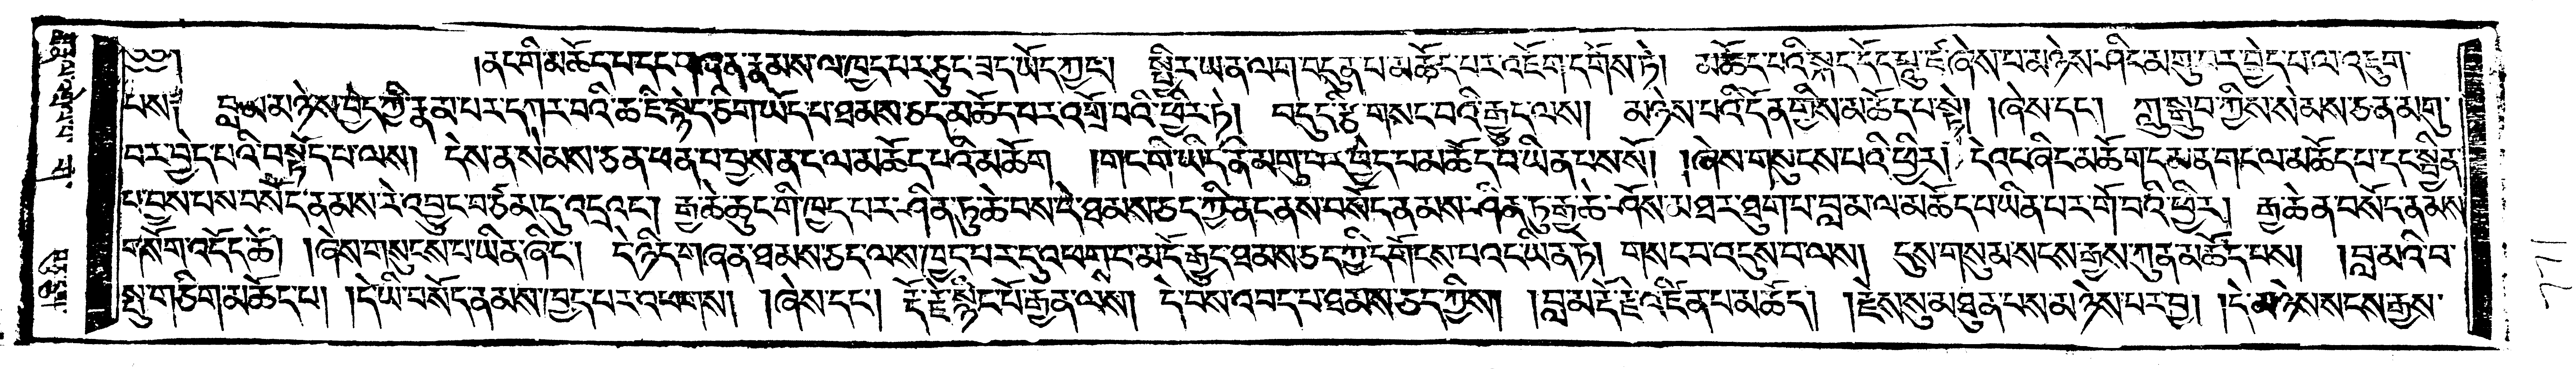༄༅། །ནང་གི་མཆོད་པ་དང་གཞན་རྣམས་ལ་ཁྱད་པར་ཅུང་ཟད་ཡོད་ཀྱང་། སྤྱིར་ཡན་ལག་བདུན་པ་མཆོད་པར་འཇོག་དགོས་ཏེ། མཆོད་པའི་སྐད་དོད་པཱུ་ཛ་ཞེས་པ་མཉེས་ཤིང་མགུ་བར་བྱེད་པ་ལ་འཇུག་
པས༑ བླ་མ་མཉེས་བྱེད་ཀྱི་རྣམ་པར་དཀར་བའི་ཆ་ཇི་སྙེད་ཅིག་ཡོད་པ་ཐམས་ཅད་མཆོད་པར་འགྲོ་བའི་ཕྱིར་ཏེ། བདུད་རྩི་གསང་བའི་རྒྱུད་ལས། མཉེས་པའི་དོན་གྱིས་མཆོད་པ་སྟེ། །ཞེས་དང་། ཀླུ་སྒྲུབ་ཀྱིས་སེམས་ཅན་མགུ་
བར་བྱེད་པའི་བསྟོད་པ་ལས། དེས་ན་སེམས་ཅན་ཕན་པ་བྱས་ན་ང་ལ་མཆོད་པའི་མཆོག །གང་གི་ཡིད་ནི་མགུ་བར་བྱེད་པ་མཆོད་པ་ཡིན་པས་སོ། །ཞེས་གསུངས་པའི་ཕྱིར། དེའང་ཞིང་མཆོག་དམན་གང་ལ་མཆོད་པ་དང་སྦྱིན་
པ་བྱས་པས་བསོད་ནམས་རེ་འབྱུང་བ་ཙམ་དུ་འདྲའང་། རྒྱ་ཆེ་ཆུང་གི་ཁྱད་པར་ཤིན་ཏུ་ཆེ་བས་དེ་ཐམས་ཅད་ཀྱི་ནང་ནས་བསོད་ནམས་ཤིན་ཏུ་རྒྱ་ཆེ་ཤོས་མཐར་ཐུག་པ་བླ་མ་ལ་མཆོད་པ་ཡིན་པར་གོ་པའི་ཕྱིར། རྒྱ་ཆེན་བསོད་ནམས་
གསོག་འདོད་ཚེ། །ཞེས་གསུངས་པ་ཡིན་ཞིང་། དེ་ཉིད་གཞན་ཐམས་ཅད་ལས་ཁྱད་པར་དུ་འཕགས་པ་མདོ་རྒྱུད་ཐམས་ཅད་ཀྱི་དགོངས་པའང་ཡིན་ཏེ། གསང་བ་འདུས་པ་ལས། དུས་གསུམ་སངས་རྒྱས་ཀུན་མཆོད་པས། །བླ་མའི་བ་
སྤུ་གཅིག་མཆེད་པ། །དེ་ཡི་བསོད་ནམས་ཁྱད་པར་འཕགས། །ཞེས་དང་། རྡོ་རྗེ་སྙིང་པོ་རྒྱན་ལས། དེངས་འབད་པ་ཐམས་ཅད་ཀྱིས། །བླ་མ་རྡོ་རྗེ་འཛིན་པ་མཆོད། །རྗེས་སུ་མཐུན་པས་མཉེས་པར་བྱ། །དེ་མཉེས་སངས་རྒྱས་